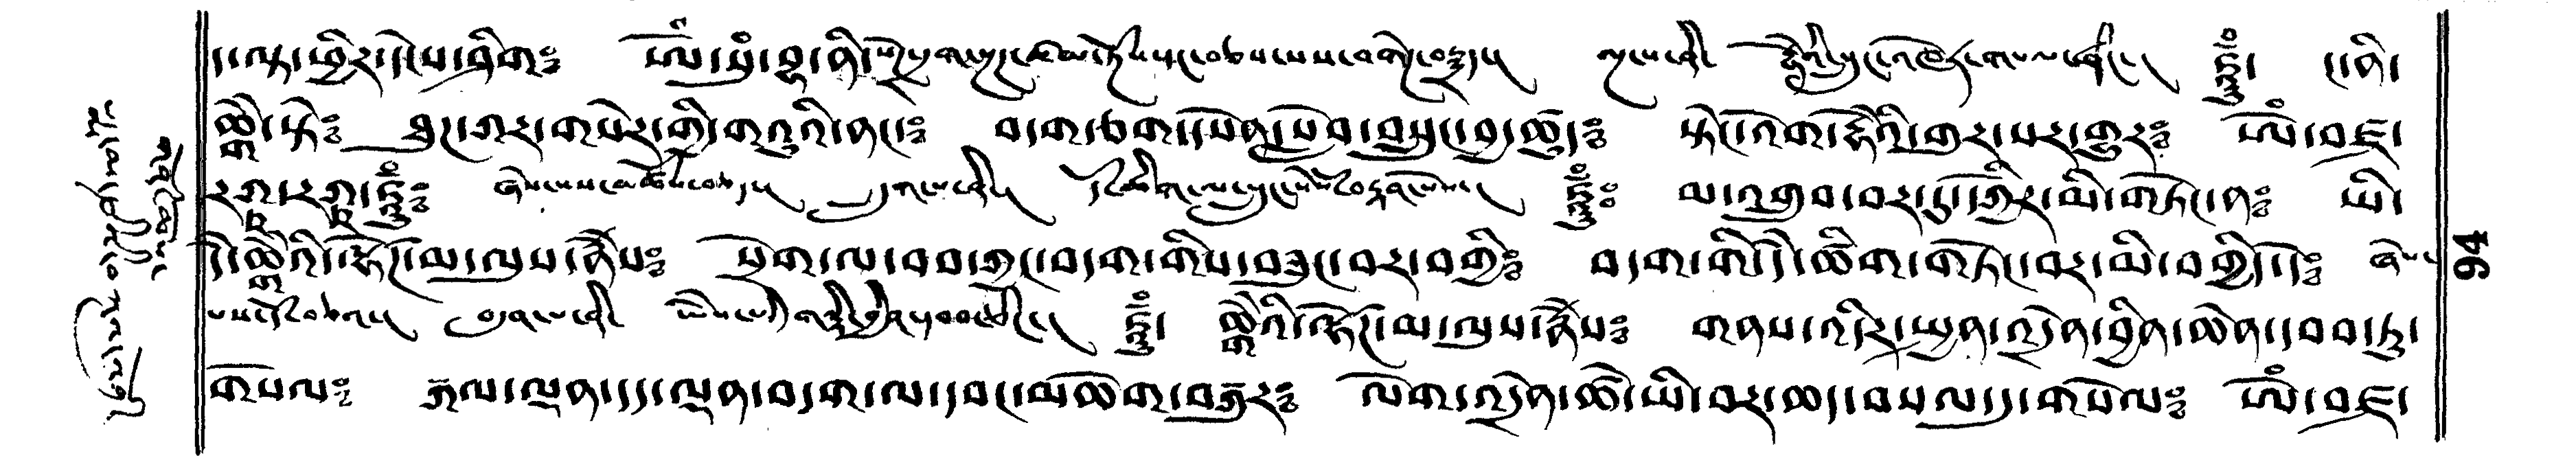ད་ལྟ་ཕྱིར་དེངས་ཤིག༔ ཨོཾ་སུམ་བྷ་ནི་སོགས་དྲག་སྔགས་ཚམ་རྔམས་དང་བཅས་པས་བགེགས་བསྐྲད། ལྔ་པ་ནི། རྡོ་རྗེའི་སྲུང་འཁོར་གསལ་ཞིང་། ཧཱུྃ༔ ང་ནི་་་
་་ཆེ་གེ་སྟེ༔ ཐུགས་ཀར་གསེར་གྱི་གའུའི་ནང༔ བདག་ཅག་དཔོན་སློབ་བསྲུང་བྱ་ཚུད༔ སྟེང་འོག་རྡོ་རྗེའི་གུར་སར་གྱུར༔ ཨོཾ་བཛྲ་
རཀྵ་རཀྵ་ཧཱུྃ༔ ཞེས་པས་མཚམས་བཅད། དྲུག་པ་ནི། དམ་ཚིག་ལ་སྲུང་སེམས་བརྟན་པོས། ཧཱུྃ༔ མ་འགྲུབ་བར་དུ་དཀྱིལ་འཁོར་མི་གཏོང་ན༔ ཡི་
དམ་ཆེ་གེའི་ལྷ་ཚོགས་མ་ལུས་རྣམས༔ སྲོག་ལ་བབ་ཀྱང་བདག་གིས་བཟུང་བར་བགྱི༔ བདག་གི་དམ་ཚིག་གཏོང་བར་མི་བགྱིད་དོ༔ ཞེས་
པས་དམ་བཅའ། བདུན་པ་ནི། ཡེ་ཤེས་པའི་གཟི་བྱིན་དབབ་ཅིང་། ཧཱུྃ༔ ཆེ་གེའི་ལྷ་ཚོགས་མ་ལུས་རྣམས༔ གནས་འདིར་སྤྱན་འདྲེན་བྱིན་ཆེན་དབབ་ཏུ་
གསོལ༔ སྐལ་ལྡན་དད་ལྡན་བདག་ལ་དབང་མཆོག་བསྐུར༔ ལོག་འདྲེན་ཚེ་ཡི་བར་ཆད་བསལ་དུ་གསོལ༔ ཨོཾ་བཛྲ་